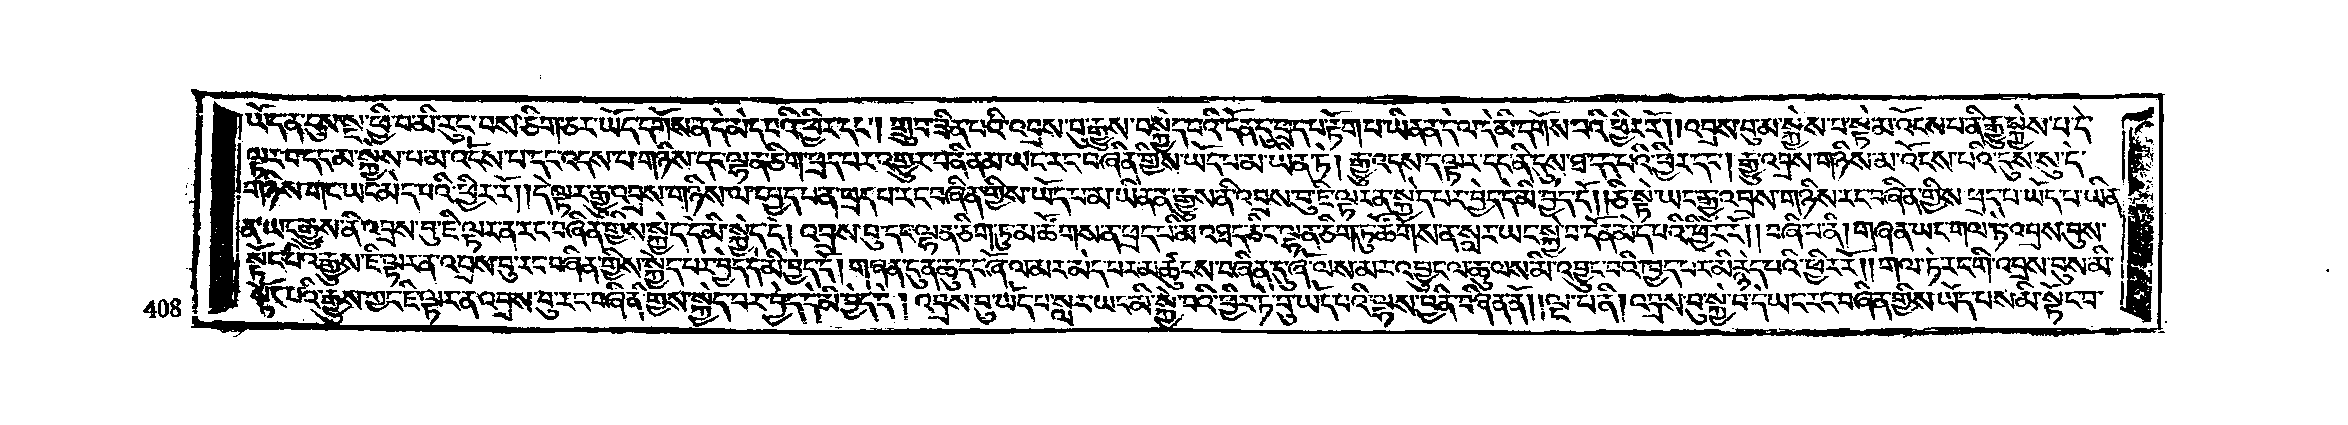ཡོད་ན་དུས་སྔ་ཕྱི་བ་མི་རུང་བས་ཅིག་ཅར་ཡོད་དགོས་ན་དེ་མེད་པའི་ཕྱིར་དང་། གྲུབ་ཟིན་པའི་འབྲས་བུ་རྒྱུས་བསྐྱེད་པའི་དོན་དུ་ཕྲད་པ་རྟོག་པ་ཡིན་ན་དེ་ལ་དེ་མི་དགོས་པའི་ཕྱིར་རོ། །འབྲས་བུ་མ་སྐྱེས་པ་སྟེ་མ་འོངས་པ་ནི་རྒྱུ་སྐྱེས་པ་དང་
ལྟར་བ་དང་མ་སྐྱེས་པ་མ་འོངས་པ་དང་འདས་པ་གཉིས་དང་ལྷན་ཅིག་ཕྲད་པར་འགྱུར་བ་ནི་ནམ་ཡང་རང་བཞིན་གྱིས་ཡོད་པ་མ་ཡིན་ཏེ། རྒྱུ་འབྲས་ད་ལྟར་དང་ནི་དུས་ཐ་དད་པའི་ཕྱིར་དང་། རྒྱུ་འབྲས་གཉིས་མ་འོངས་པའི་དུས་སུ་དེ་
གཉིས་གང་ཡང་མེད་པའི་ཕྱིར་རོ། །དེ་ལྟར་རྒྱུ་འབྲས་གཉིས་ལ་དཔྱད་པ་ན་ཕྲད་པ་རང་བཞིན་གྱིས་ཡོད་པ་མ་ཡིན་ན་རྒྱུས་ནི་འབྲས་བུ་ཇི་ལྟར་ན་སྐྱེད་པར་བྱེད་དེ་མི་བྱེད་དོ། །ཅི་སྟེ་ཡང་རྒྱུ་འབྲས་གཉིས་རང་བཞིན་གྱིས་ཕྲད་པ་ཡོད་པ་ཡིན་
ན་ཡང་རྒྱུས་ནི་འབྲས་བུ་ཇི་ལྟར་ན་རང་བཞིན་གྱིས་སྐྱེད་དེ་མི་བསྐྱེད་དེ། འབྲས་བུ་དང་ལྷན་ཅིག་ཏུ་མཚོགས་ན་ཕྲད་པ་མི་འཐད་ཅིང་ལྷན་ཅིག་ཏུ་ཚོགས་ན་སླར་ཡང་སྐྱེ་བ་དོན་མེད་པའི་ཕྱིར་རོ། །བཞི་པ་ནི། གཞན་ཡང་གལ་ཏེ་འབྲས་བུས་
སྟོང་པའི་རྒྱུས་ཇི་ལྟར་ན་འབྲས་བུ་རང་བཞིན་གྱིས་སྐྱེད་པར་བྱེད་དེ་མི་བྱེད་དེ། གཞན་དུ་ན་ཆུ་དང་ཞོ་ལ་མར་མེད་པར་མཚུངས་བཞིན་དུ་ཞོ་ལས་མར་འབྱུང་ལ་ཆུ་ལས་མི་འབྱུང་བའི་ཁྱད་པར་མི་རྙེད་པའི་ཕྱིར་རོ། །གལ་ཏེ་རང་གི་འབྲས་བུས་མི་
སྟོང་བའི་རྒྱུས་ཀྱང་ཇི་ལྟར་ན་འབྲས་བུ་རང་བཞིན་གྱིས་སྐྱེད་པར་བྱེད་དེ་མི་བྱེད་དེ། འབྲས་བུ་ཡོད་པ་སླར་ཡང་མི་སྐྱེ་བའི་ཕྱིར་ཏེ་བུ་ཡོད་པའི་ལྷས་བྱིན་བཞིན་ནོ། །ལྔ་བ་ནི། འབྲས་བུ་སྐྱེ་བ་དེ་ཡང་རང་བཞིན་གྱིས་ཡོད་པས་མི་སྟོང་བ་